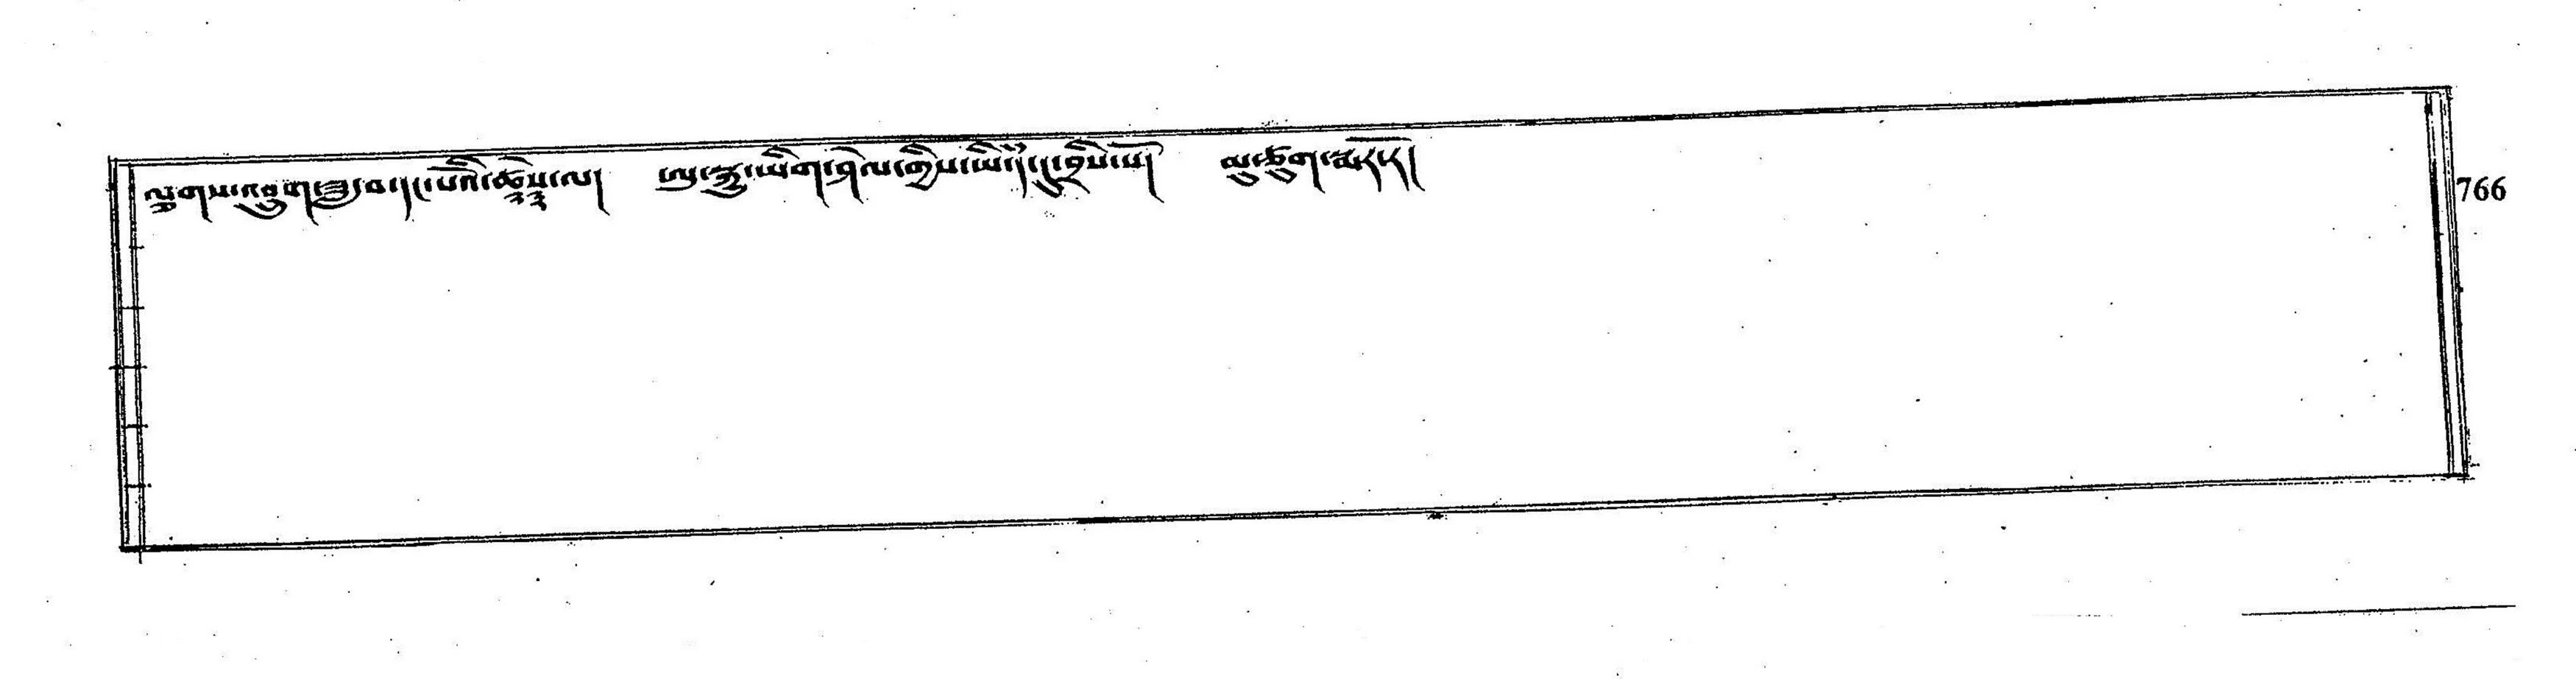ལྕགས་འབྲུག་ཟླ་བ་དང་པོའི་ཚེས་༼༢༣༽ལ། ཨུ་སྐྱུ་ཡིག་ཤེལ་གྱིས་ཡི་དམ་དུ་བྲིས་སོ། མུ་ཙུག་སྨར་རོ། །